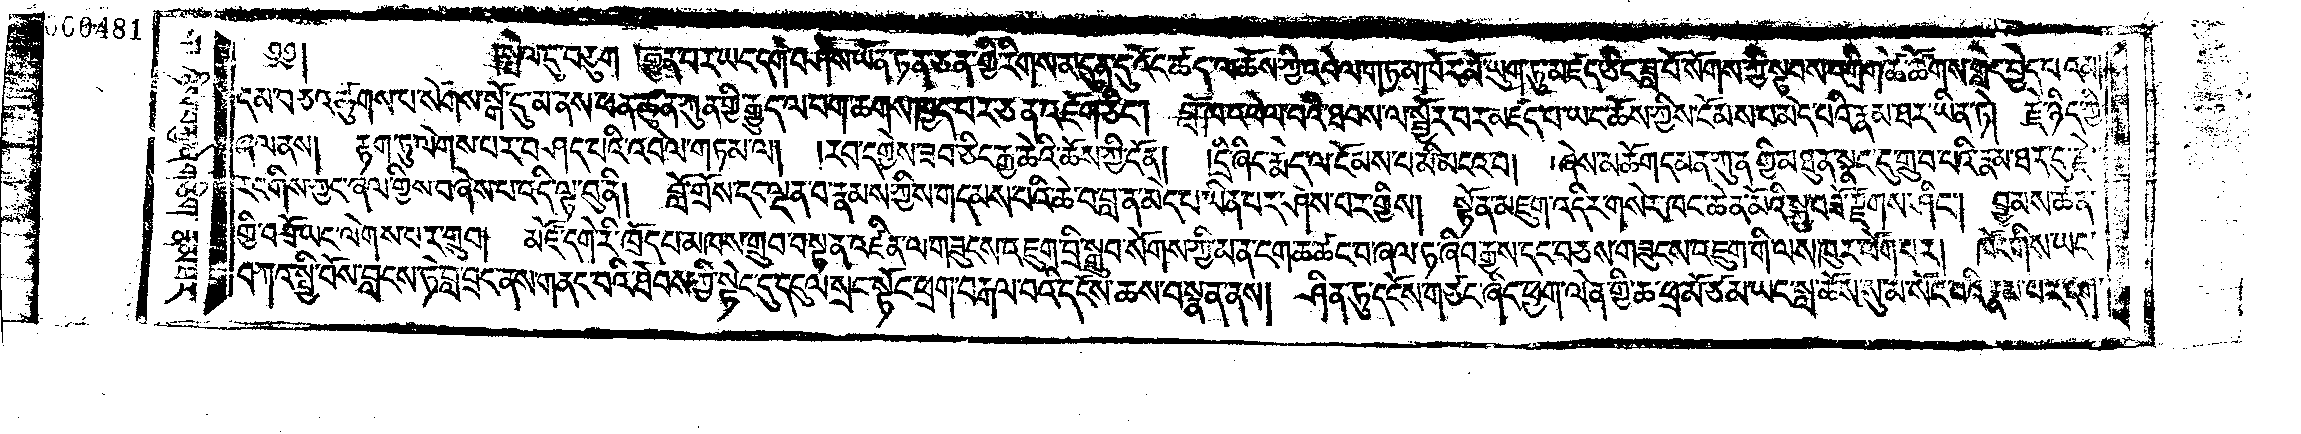༄༅། །སྤེལ་དུ་བཅུག །རྒྱུན་པར་ཡང་དགེ་བཤེས་ཡོན་ཏན་ཅན་གྱི་རིགས་མདུན་དུ་འོང་ཚད་ལ་ཆོས་ཀྱི་འབེལ་གཏམ་ཁོར་མོ་ཡུག་ཏུ་མཛད་ཅིང་ཟླ་བོ་སོགས་ཀྱི་སྟབས་འགྲིག་ཚེ་ཚོགས་གླེང་བྱེད་པའམ།
དམ་བཅའ་ཚུགས་པ་སོགས་སྒོ་དུ་མ་ནས་ཕན་ཚུན་ཀུན་གྱི་རྒྱུད་ལ་བག་ཆགས་ཁྱད་པར་ཅན་འཇོག་ཅིང་། བློ་ཁ་འཕེལ་བའི་ཐབས་ལ་སྦྱོར་བར་མཛད་པ་ཡང་ཆོས་ཀྱིས་ངོམས་པ་མེད་པའི་རྣམ་ཐར་ཡིན་ཏེ། རྗེ་ཉིད་ཀྱི་
ཞལ་ནས། རྟག་ཏུ་ལེགས་པར་བཤད་པའི་འབེལ་གཏམ་ལ། །རབ་དགྱེས་ཟབ་ཅིང་རྒྱ་ཆེའི་ཆོས་ཀྱི་དོན། །དྲི་ཞིང་རྨེད་ལ་ངོམས་པ་མི་མངའ་བ། །ཞེས་མཆོག་དམན་ཀུན་གྱི་མཐུན་སྣང་དུ་གྲུབ་པའི་རྣམ་ཐར་དུ་རྗེ་
རང་གིས་ཀྱང་ཞལ་གྱིས་བཞེས་པ་འདི་ལྟ་བུ་ནི། བློ་གྲོས་དང་ལྡན་པ་རྣམས་ཀྱིས་གདམས་པའི་ཆེ་བ་བླ་ན་མེད་པ་ཡིན་པར་ཤེས་པར་གྱིས། སྟོན་མཇུག་འདིར་གསེར་ཁང་ཆེན་མོའི་སྐྱ་བཟོ་རྫོགས་ཤིང་། བྱམས་ཆེན་
གྱི་བཟོ་ཡང་ལེགས་པར་གྲུབ། མཛོ་དགེ་རི་ཁྲོད་པ་མཁས་གྲུབ་བསྟན་འཛིན་ལ་གཟུངས་འཇུག་བྲི་སྒྲུབ་སོགས་ཀྱི་མན་ངག་ཆ་ཚང་བ་ཞལ་ཏ་ཞིབ་རྒྱས་དང་བཅས་གཟུངས་འཇུག་གི་ལས་ཁུར་ཕོག་བར། ཁོང་གིས་ཡང་
བཀའ་སྤྱི་བོས་བླངས་ཏེ་བླ་བྲང་ནས་གནང་བའི་ཐེབས་ཀྱི་སྟེང་དུ་དངུལ་སྲང་སྟོང་ཕྲག་བརྒལ་བའི་དངོས་ཆས་བསྣན་ནས། ཤིན་ཏུ་དངོས་གཙང་ཞིང་ཕྱག་ལེན་གྱི་ཆ་ཕྲ་མོ་ཙམ་ཡང་སླ་ཆོས་སུ་མ་སོང་པའི་རྣམ་པར་དག་